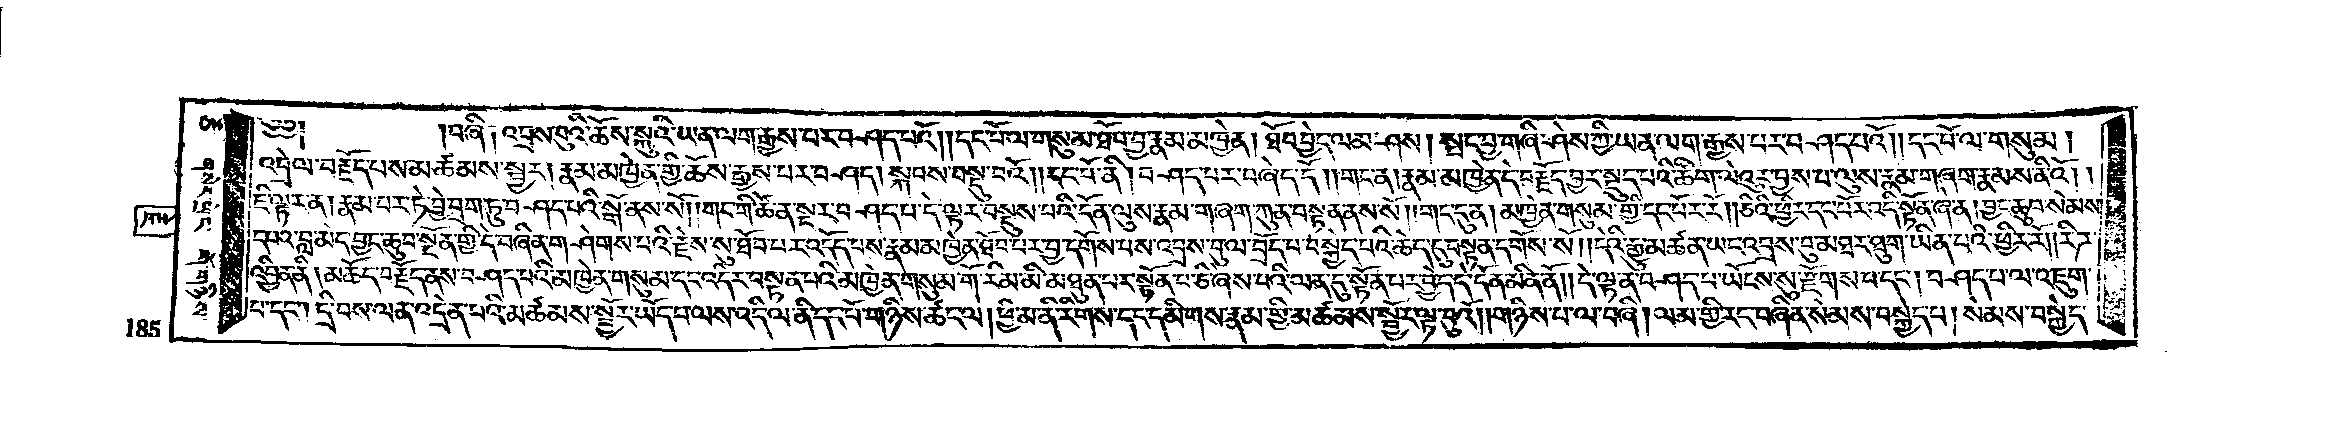༄༅། །བཞི། འབྲས་བུའི་ཆོས་སྐུའི་ཡན་ལག་རྒྱས་པར་བཤད་པའོ། །དང་པོ་ལ་གསུམ་ཐོབ་བྱ་རྣམ་མཁྱེན། ཐོབ་བྱེད་ལམ་ཤེས། སྤང་བྱ་གཞི་ཤེས་ཀྱི་ཡན་ལག་རྒྱས་པར་བཤད་པའོ། །དང་པོ་ལ་གསུམ།
འབྲེལ་བརྗོད་པས་མཚམས་སྦྱར། རྣམ་མཁྱེན་གྱི་ཆོས་རྒྱས་པར་བཤད། སྐབས་བསྡུ་བའོ། །དང་པོ་ནི། བཤད་པར་བཞེད་དོ། །གང་ན། རྣམ་མཁྱེན་དེ་བརྗོད་བྱར་སྡུད་པའི་ཚིག་ལེའུར་བྱས་པ་ལུས་རྣམ་གཞག་རྣམས་ནིའོ། །
ཇི་ལྟར་ན། རྣམ་པར་ཏེ་བྱེ་བྲག་ཏུ་བཤད་པའི་སྒོ་ནས་སོ། །གང་གི་ཚེ་ན་སྔར་བཤད་པ་དེ་ལྟར་བསྡུས་པའི་དོན་ལུས་རྣམ་གཞག་ཀུན་བསྟན་ནས་སོ། །གང་དུ་ན། མཁྱེན་གསུམ་གྱི་དང་པོར་རོ། །ཅིའི་ཕྱིར་དང་པོར་འདི་སྟོན་ཞེ་ན། བྱང་ཆུབ་སེམས་
དཔའ་བླ་མེད་བྱང་ཆུབ་སྔོན་གྱི་དེ་བཞིན་གཤེགས་པའི་རྗེས་སུ་ཐོབ་པར་འདོད་པས་རྣམ་མཁྱེན་ཐོབ་པར་བྱ་དགོས་པས་འབྲས་བུ་ལ་བྲོད་པ་བསྐྱེད་པའི་ཆེད་དུ་བསྟན་དགོས་སོ། །དེའི་རྒྱུ་མཚན་ཡང་འབྲས་བུ་མཐར་ཐུག་ཡིན་པའི་ཕྱིར་རོ། །རིགས་
འབྱིན་ནི། མཆོད་བརྗོད་ནས་བཤད་པའི་མཁྱེན་གསུམ་དང་འདིར་བསྟན་པའི་མཁྱེན་གསུམ་གོ་རིམ་མི་མཐུན་པར་སྟོན་པ་ཅི་ཞེས་པའི་ལན་དུ་སྟོན་པར་བྱེད་དེ་དོན་མིན་ནོ། །དེ་ལྟ་ན་བཤད་པ་ཡོངས་སུ་རྫོགས་པ་དང་། བཤད་པ་ལ་འཇུག་
པ་དང་། དྲི་བས་ལན་འདྲེན་པའི་མཚམས་སྦྱོར་ཡོད་པ་ལས་འདི་ལ་ནི་དང་པོ་གཉིས་ཚང་ལ། ཕྱི་མ་ནི་རིགས་དང་དམིགས་རྣམ་གྱི་མཚམས་སྦྱོར་ལྟ་བུའོ། །གཉིས་པ་ལ་བཞི། ལམ་གྱི་རང་བཞིན་སེམས་བསྐྱེད་པ། སེམས་བསྐྱེད་